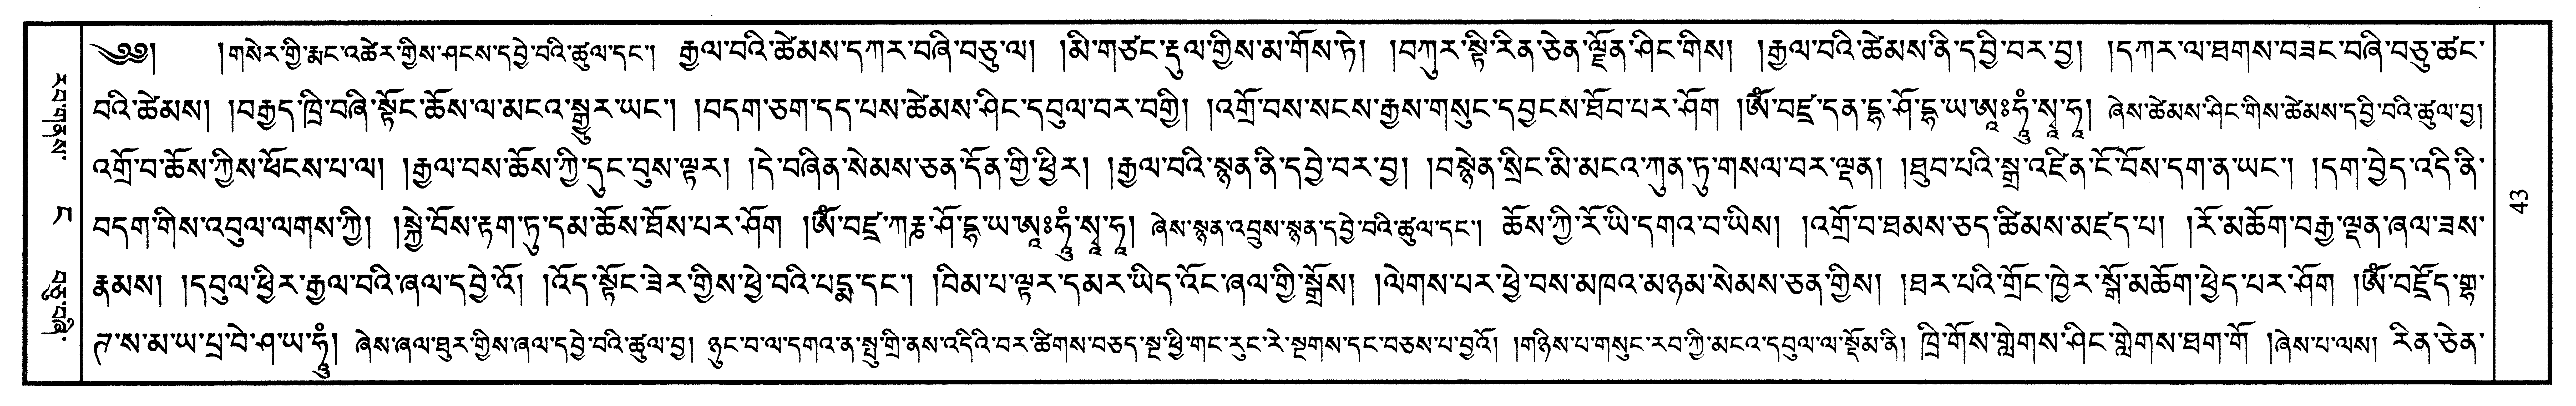༄༅། །གསེར་གྱི་རྨང་འཚེར་གྱིས་ཤངས་དབྱེ་བའི་ཚུལ་དང་། རྒྱལ་བའི་ཚེམས་དཀར་བཞི་བཅུ་ལ། །མི་གཙང་རྡུལ་གྱིས་མ་གོས་ཏེ། །བཀུར་སྟི་རིན་ཅེན་ལྗོན་ཤིང་གིས། །རྒྱལ་བའི་ཚེམས་ནི་དབྱི་བར་བྱ། །དཀར་ལ་ཐགས་བཟང་བཞི་བཅུ་ཚང་
བའི་ཚེམས། །བརྒྱད་ཁྲི་བཞི་སྟོང་ཆོས་ལ་མངའ་སྒྱུར་ཡང་། །བདག་ཅག་དད་པས་ཚེམས་ཤིང་དབུལ་བར་བགྱི། །འགྲོ་བས་སངས་རྒྱས་གསུང་དབྱངས་ཐོབ་པར་ཤོག །ཨོཾ་བཛྲ་དན་དྷ་ཤོ་དྷ་ཡ་ཨཱཿ ཧཱུཾ་སྭཱ་ཧཱ། ཞེས་ཚེམས་ཤིང་གིས་ཚེམས་དབྱི་བའི་ཚུལ་བྱ།
འགྲོ་བ་ཆོས་ཀྱིས་ཕོངས་པ་ལ། །རྒྱལ་བས་ཆོས་ཀྱི་དུང་བུས་ལྟར། །དེ་བཞིན་སེམས་ཅན་དོན་གྱི་ཕྱིར། །རྒྱལ་བའི་སྙན་ནི་དབྱེ་བར་བྱ། །བསྙེན་སྲིང་མི་མངའ་ཀུན་ཏུ་གསལ་བར་ལྡན། །ཐུབ་པའི་སྒྲ་འཛིན་ངོ་བོས་དག་ན་ཡང་། །དག་བྱེད་འདི་ནི་
བདག་གིས་འབུལ་ལགས་ཀྱི། །སྐྱེ་བོས་རྟག་ཏུ་དམ་ཆོས་ཐོས་པར་ཤོག །ཨོཾ་བཛྲ་ཀརྞ་ཤོ་དྷ་ཡ་ཨཱཿ ཧཱུཾ་སྭཱ་ཧཱ། ཞེས་སྙན་འབྲུས་སྙན་དབྱེ་བའི་ཚུལ་དང་། ཆོས་ཀྱི་རོ་ཡི་དགའ་བ་ཡིས། །འགྲོ་བ་ཐམས་ཅད་ཚིམས་མཛད་པ། །རོ་མཆོག་བརྒྱ་ལྡན་ཞལ་ཟས་
རྣམས། །དབུལ་ཕྱིར་རྒྱལ་བའི་ཞལ་དབྱེ་འོ། །འོད་སྟོང་ཟེར་གྱིས་ཕྱེ་བའི་པདམ་དང་། །བིམ་པ་ལྟར་དམར་ཡིད་འོང་ཞལ་གྱི་སྒྲོས། །ལེགས་པར་ཕྱེ་བས་མཁའ་མཉམ་སེམས་ཅན་གྱིས། །ཐར་པའི་གྲོང་ཁྱེར་སྒོ་མཆོག་ཕྱེད་པར་ཤོག །ཨོཾ་བཛོད་གྷ་
ཊ་ས་མ་ཡ་པྲ་བེ་ཤ་ཡ་ཧཱུཾ། ཞེས་ཞལ་ཐུར་གྱིས་ཞལ་དབྱེ་བའི་ཚུལ་བྱ། ཉུང་བ་ལ་དགའ་ན་སྤུ་གྲི་ནས་འདིའི་བར་ཚིགས་བཅད་སྔ་ཕྱི་གང་རུང་རེ་སྔགས་དང་བཅས་པ་བྱའོ། །གཉིས་པ་གསུང་རབ་ཀྱི་མངའ་དབུལ་ལ་སྡོམ་ནི། ཁྲི་གོས་གླེགས་ཤིང་གླེགས་ཐག་གོ །ཞེས་པ་ལས། རིན་ཅེན་